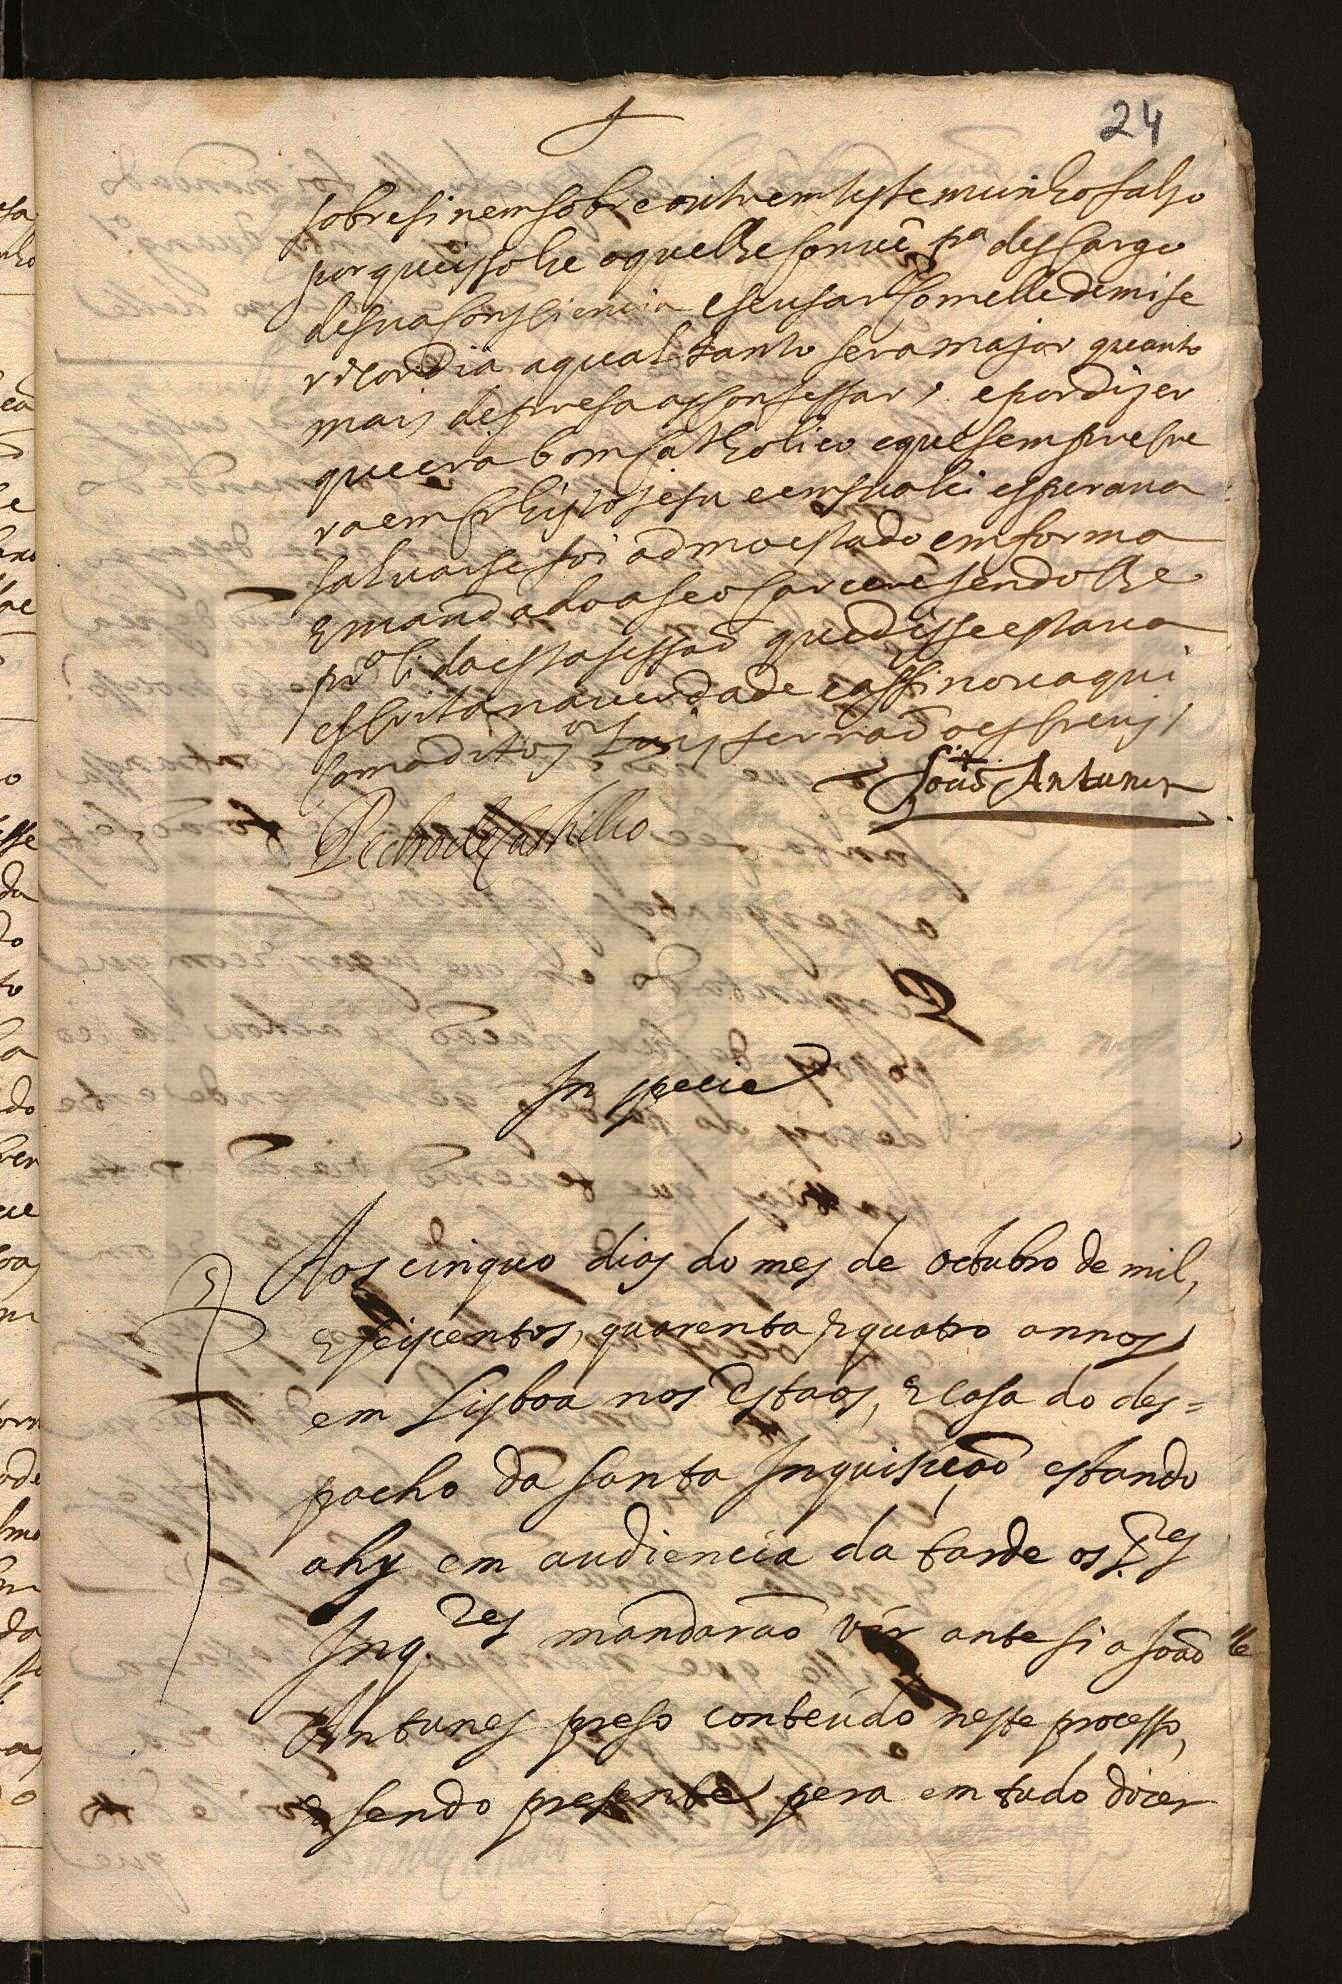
sobre si nem sobre outrem testemunho falso
porque isso he o que lhe Couuē pa desCargo
de sua Consciencia e se usar Com elle de mise
ricordia a qual tanto sera major quanto
mais depresa as Confessar /. e por dizer
que era bom Catholico e que sempre Cre
ra em Crhisto jesu e em sua lei esperaua
saluarse foi admoestado em forma
E mandado a seo Carcere sendolhe
pro lida esta sessaõ que disse estaua
esCrita na uerdade e assinou aqui
Com o dito sor Luis ferraõ o esCreuj /
Joaõ Antunes
Pedro de Castilho
Jn specie
Aos cinquo dias do mes de octubro de mil,
E seiscentos, quarenta, E quatro annos
em Lisboa nos Estaos, E casa do des
pacho da santa Jnquisição estando
ahy em audiencia da tarde os s.res
Jnq.res mandarão vir ante si a João
Antunes preso conteudo neste processo,
e sendo presente pera em tudo dizer
